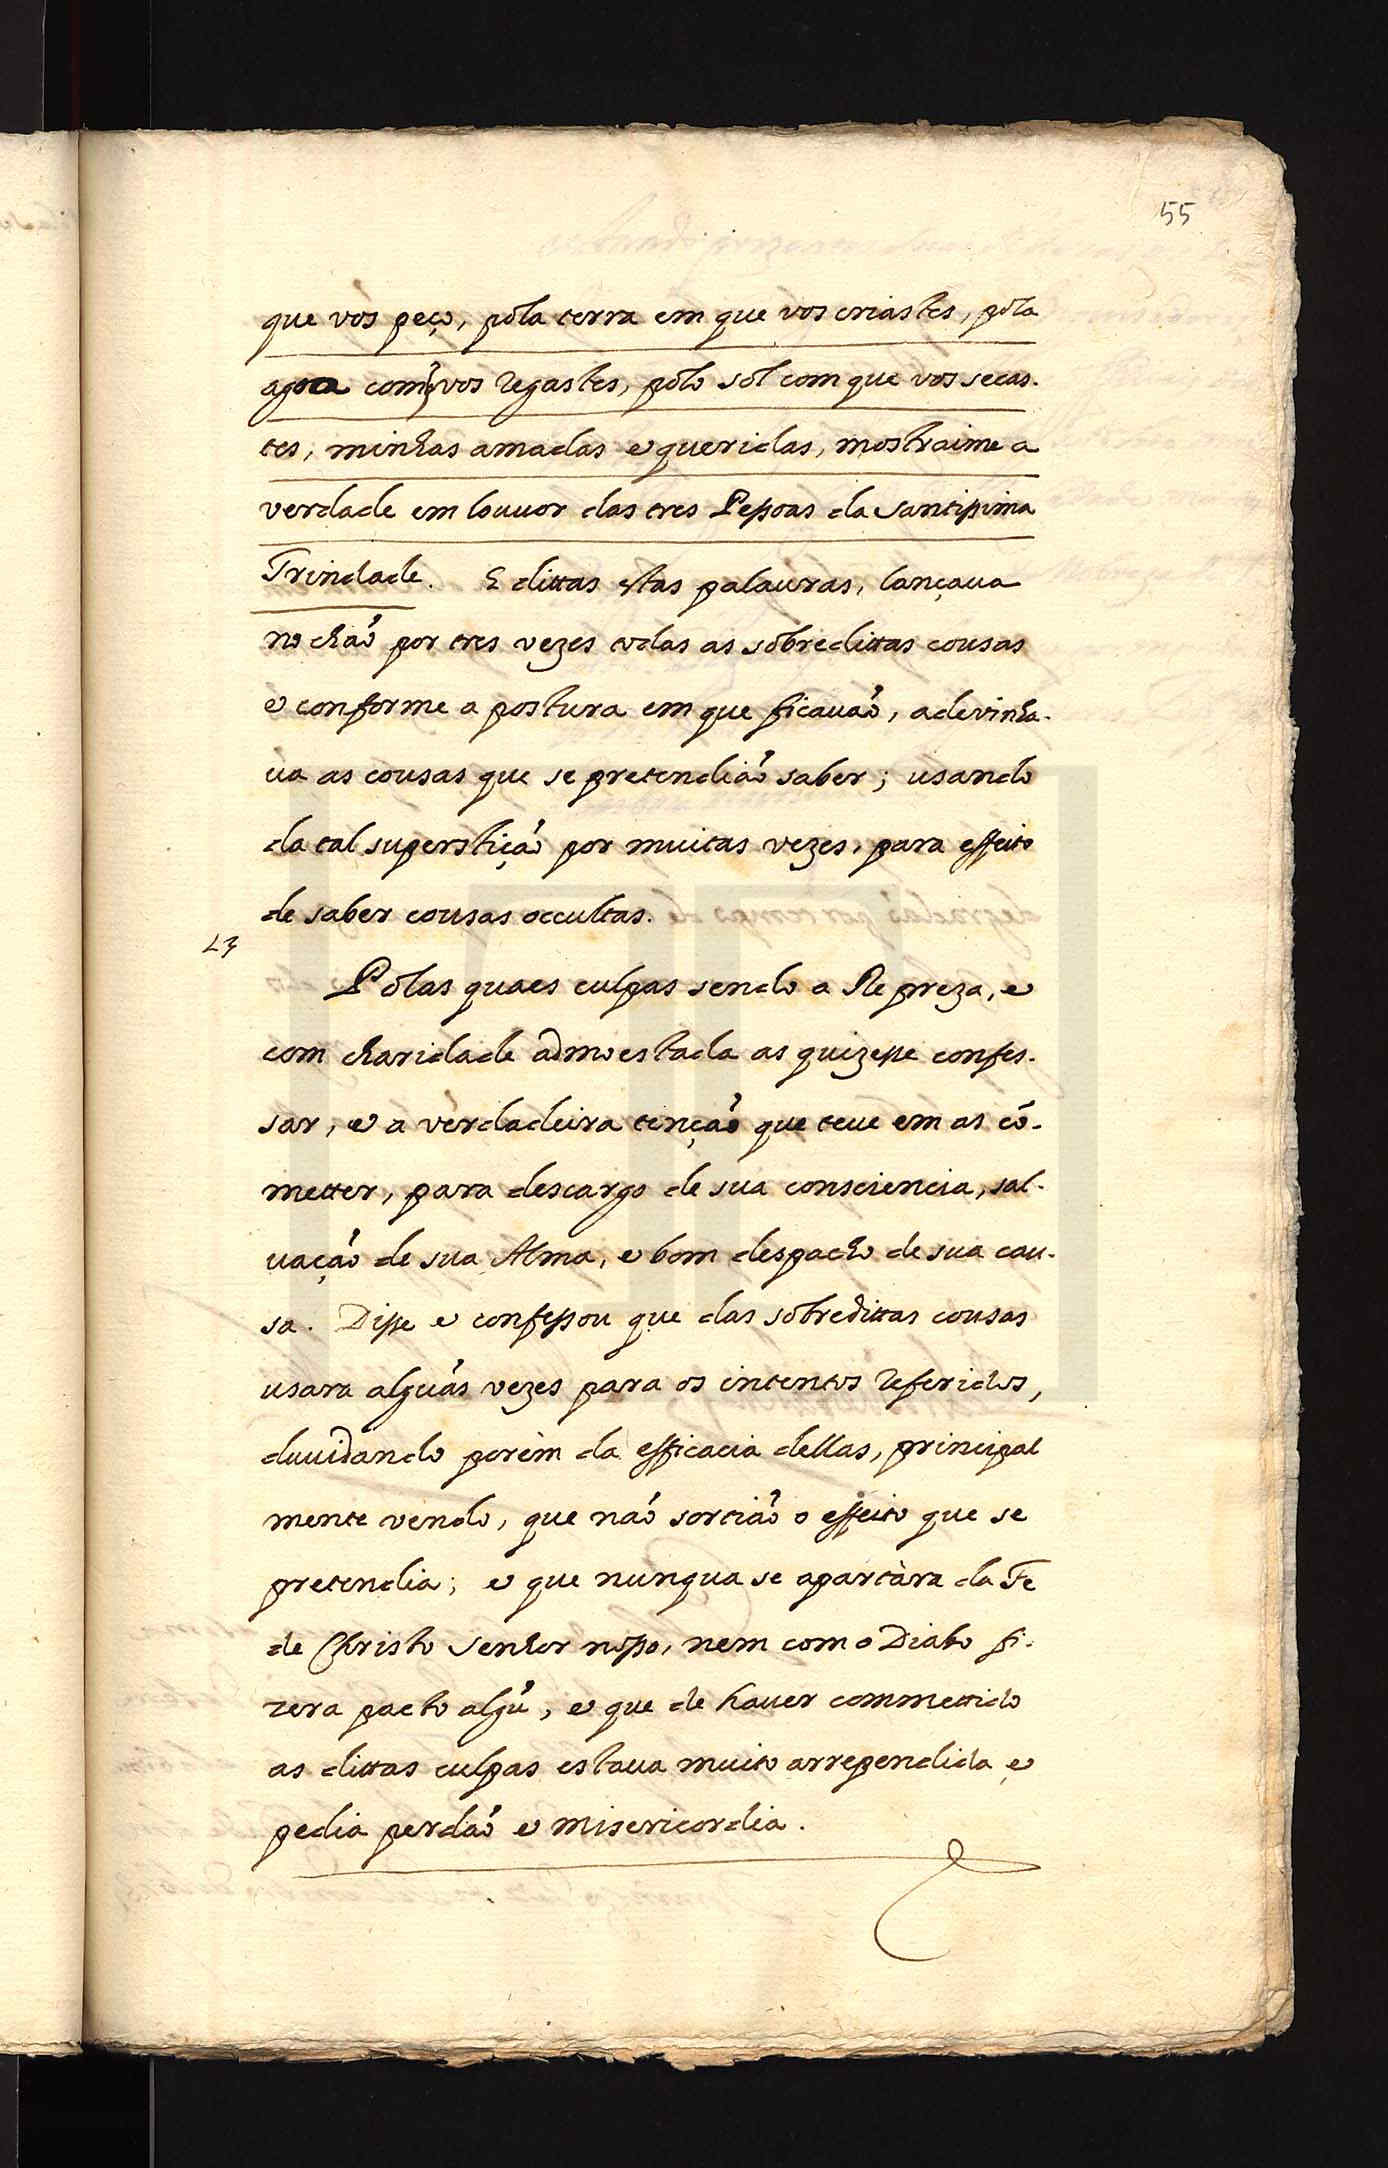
que vos peço, pola terra em que vos criastes, pola
agoa com q̄ vos regastes, polo sol com que vos secas
tes, minhas amadas e queridas, mostraime a
verdade em louuor das tres Pessoas da Santissima
Trindade. E dittas estas palauras, lançaua
no chaõ por tres vezes todas as sobredittas cousas
e conforme a postura em que ficauaõ, adevinha
ua as cousas que se pretendiaõ saber; usando
da tal superstiçaõ por muitas vezes, para effeito
de saber cousas occultas.
Polas quaes culpas sendo a Re preza, e
com charidade admoestada as quizesse confes
sar, e a verdadeira tençaõ que teue em as cō
metter, para descargo de sua consciencia, sal
uaçaõ de sua Alma, e bom despacho de sua cau
sa. Disse e confessou que das sobredittas cousas
usara alguās vezes para os intentos referidos,
duuidando porèm da efficacia dellas, principal
mente vendo, que naõ sortiaõ o effeito que se
pretendia; e que nunqua se apartàra da Fe
de Christo Senhor nosso, nem com o Diabo fi
zera pacto algũ, e que de hauer commettido
as dittas culpas estaua muito arrependida e
pedia perdaõ e misericordia.
